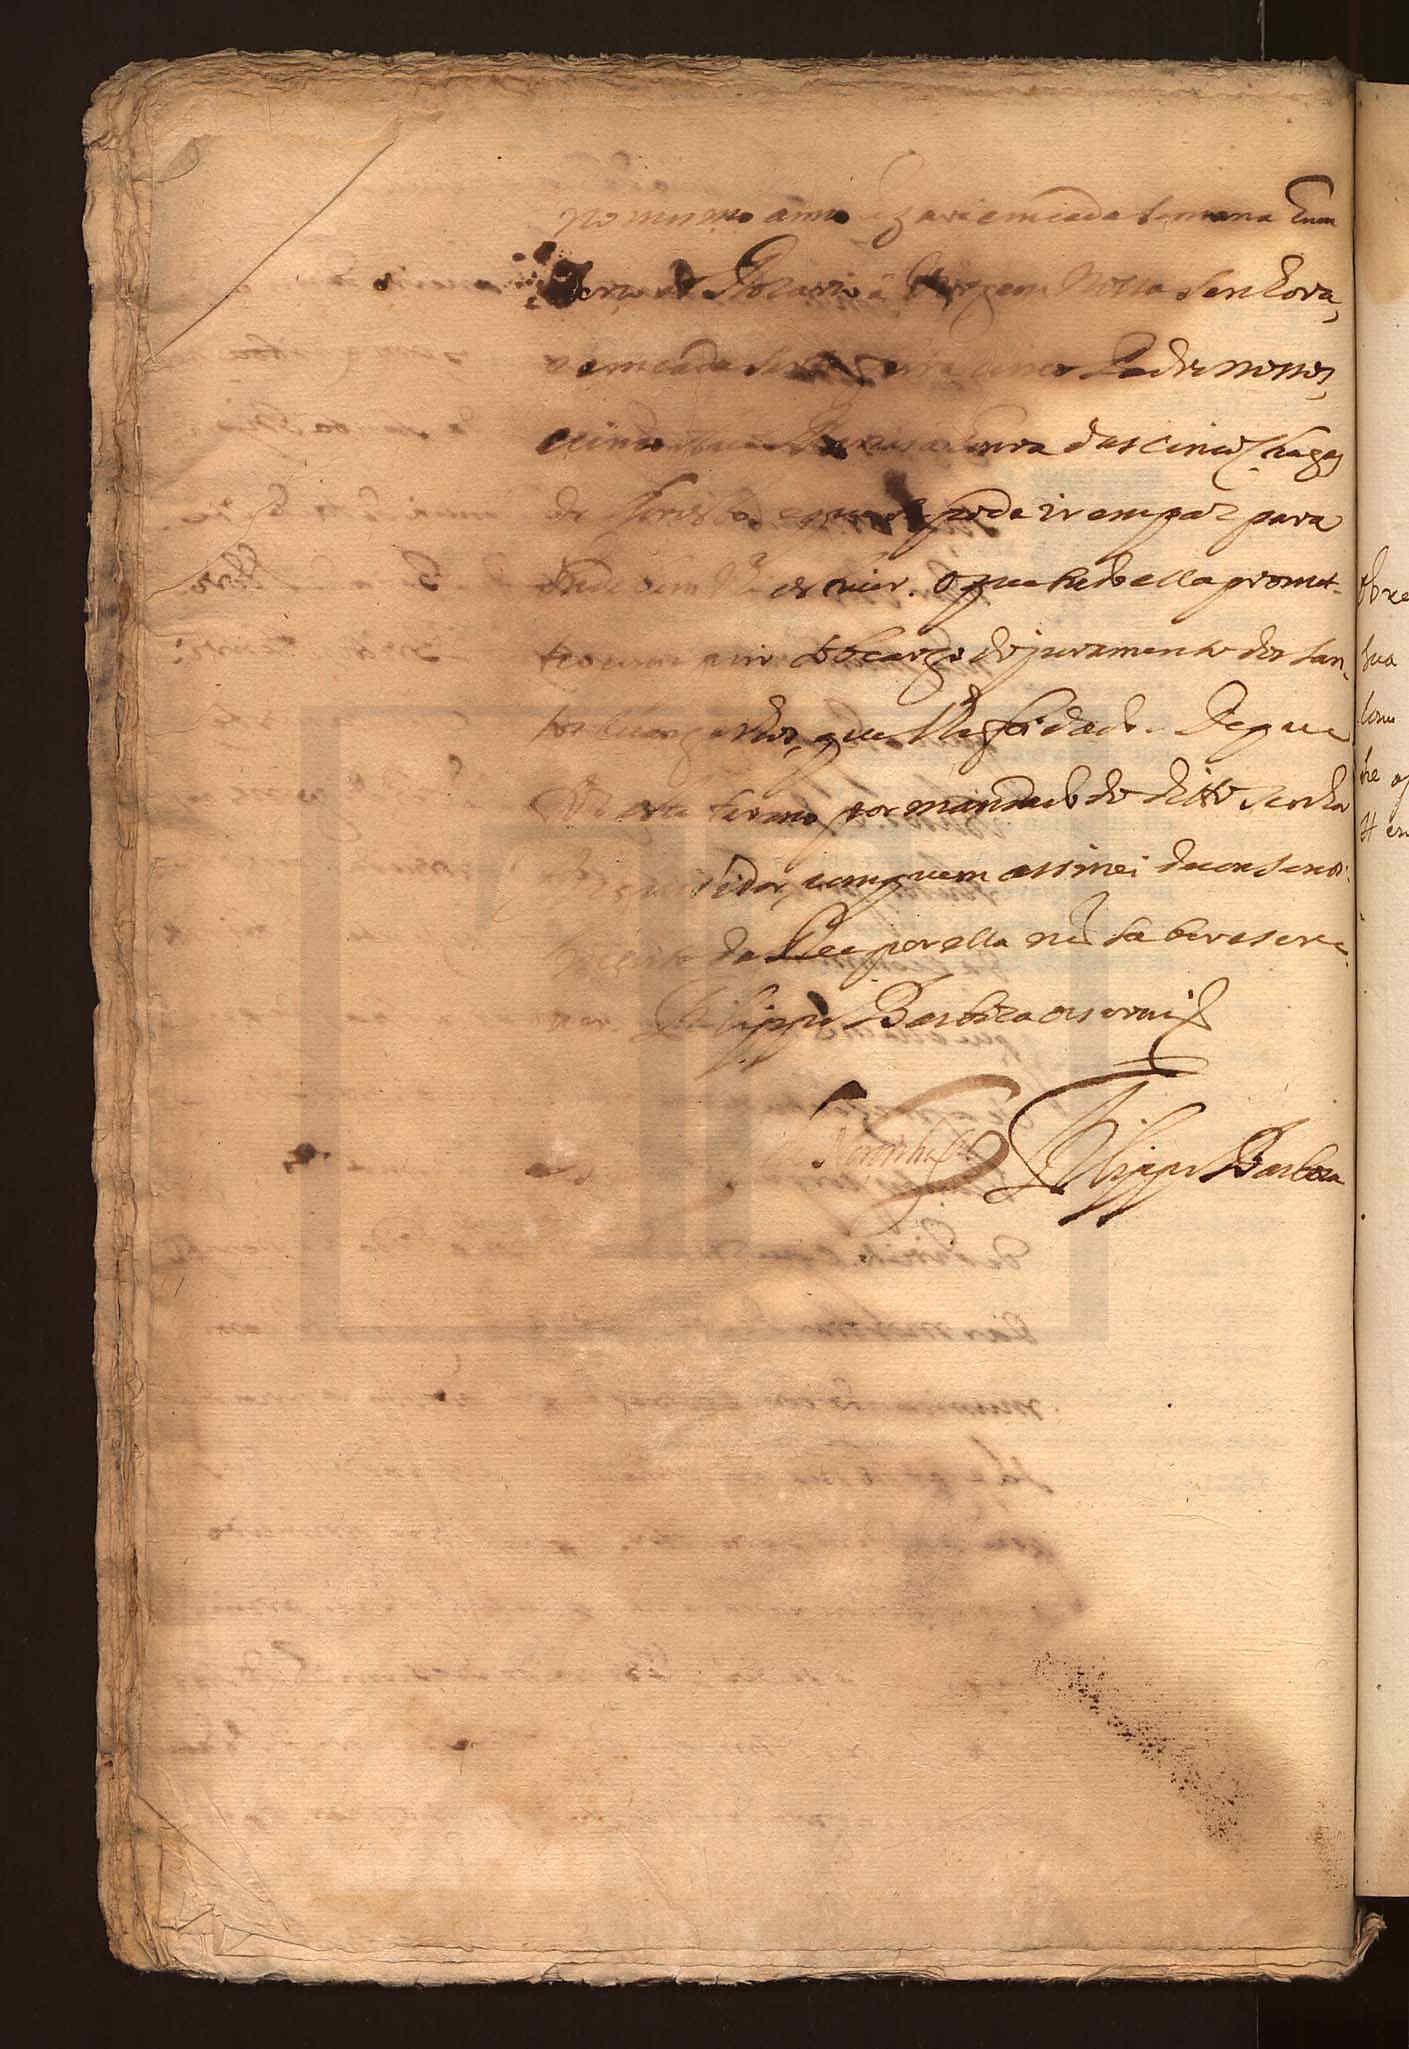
no mesmo anno Rezava em cada somana hum
terço do Rozario à Virgem Nossa Senhora,
e em cada sexta feira cinco Padre nossos,
e cinco Aue Marias á honra das cinco Chagas
de Christo e que se pode ir em paz para
onde bem lhe estiuer. o que tudo ella promet
teo cumprir sob cargo do juramento dos San
tos euangelhos, que lhe foi dado. De que
fez este termo por mandado do ditto senhor
Inquisidor, com quem assinei de consenti
mento da Ree por ella naõ saber escre
uer. Filippe Barboza o escreui
